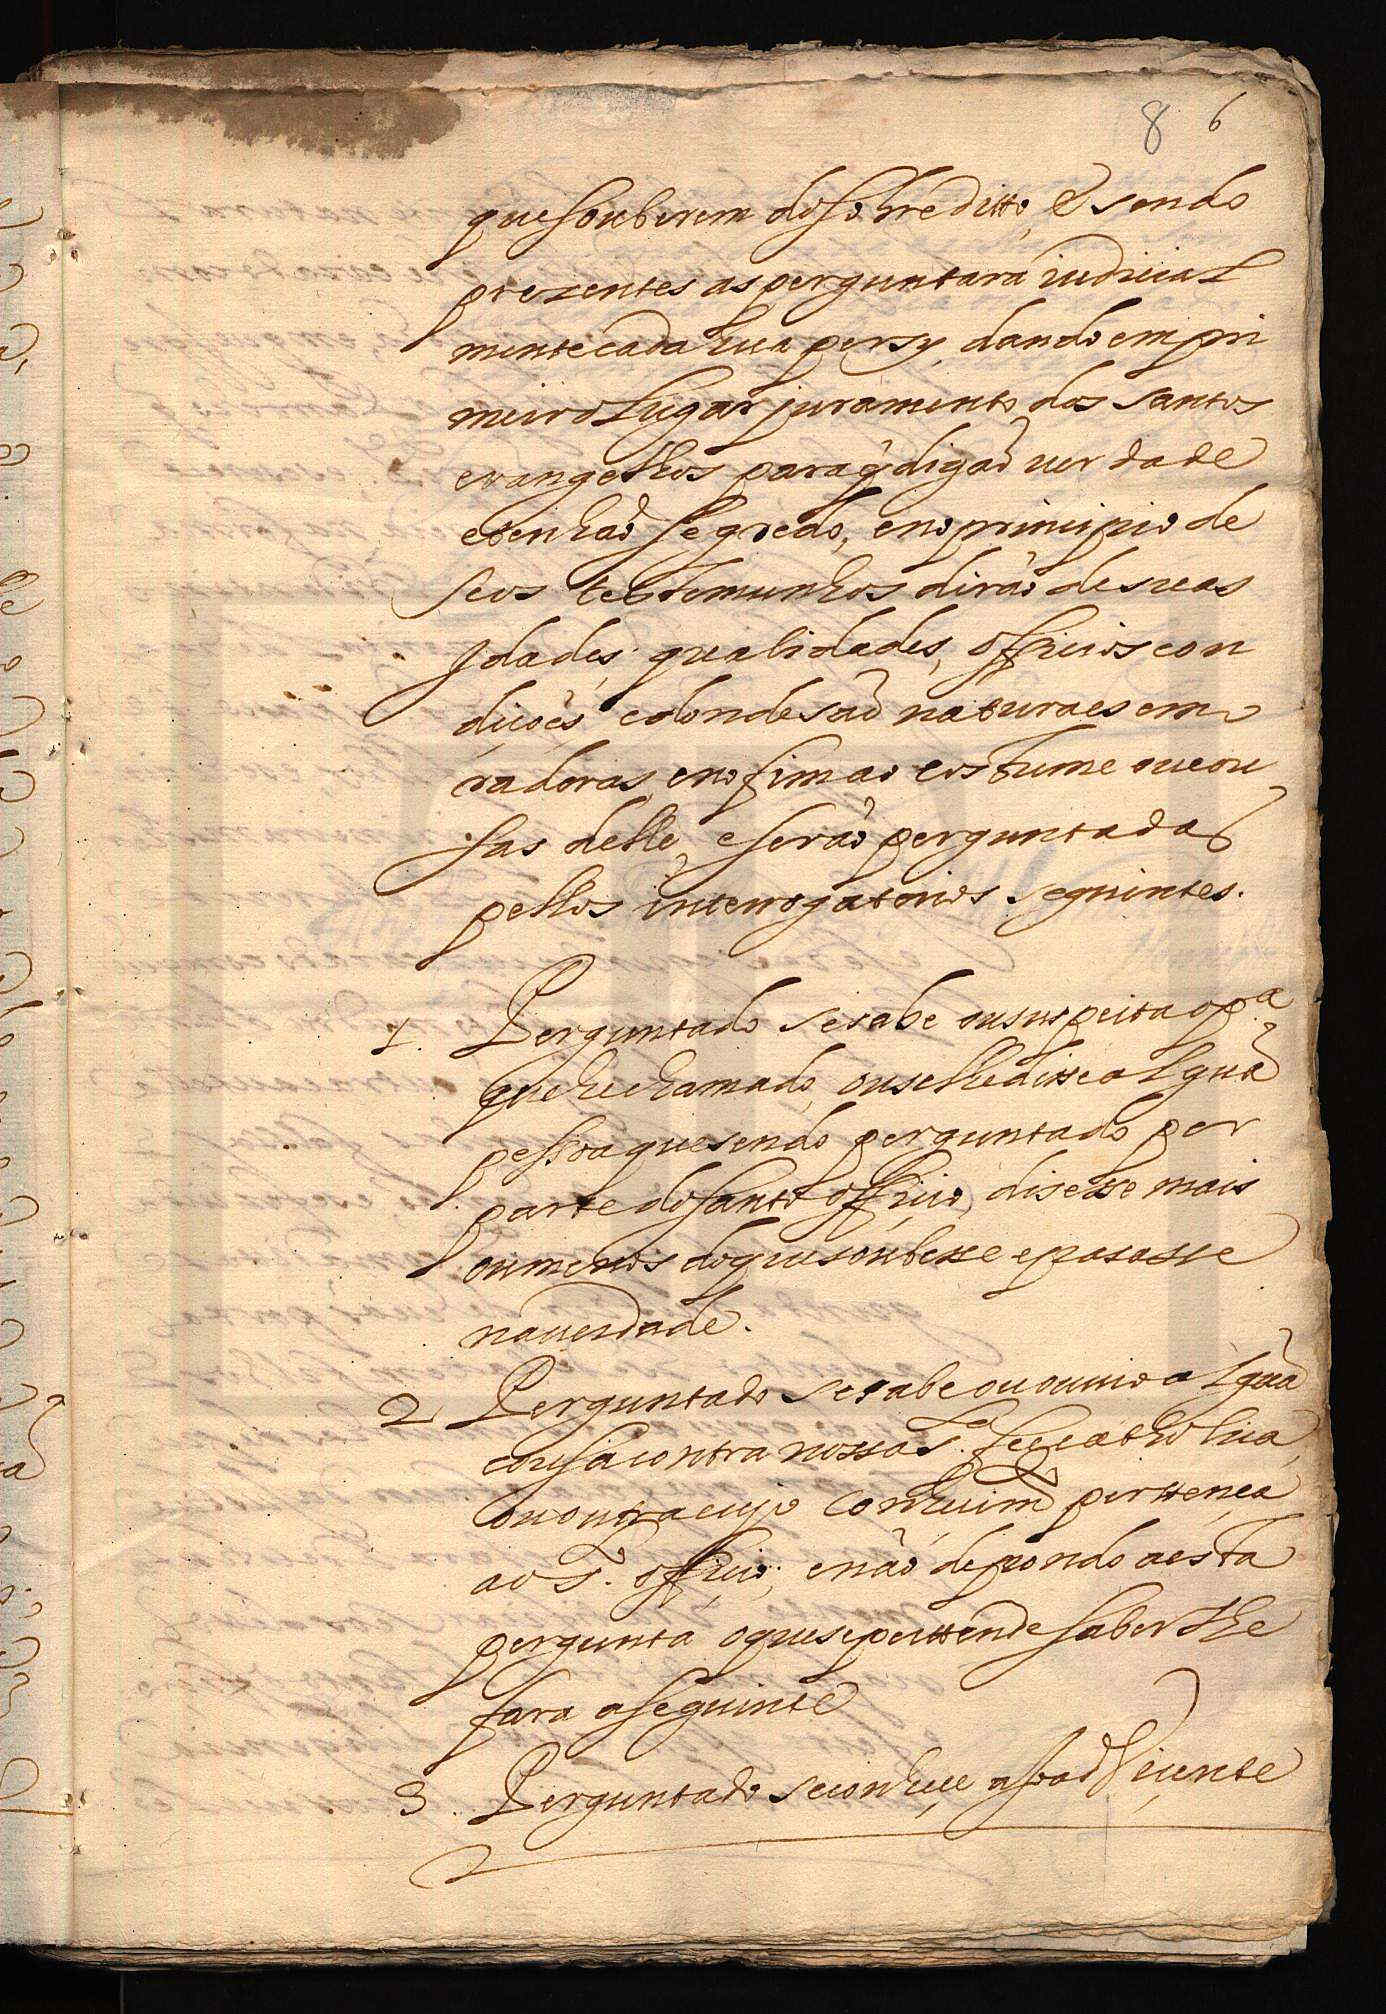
que souberem do sobreditto, E sendo
prezentes as perguntara iudiciaL
mente cada hua per sy, dando em pri
meiro Lugar juramento dos santos
evangelhos para q̄ digaõ uerdade
e tenhaõ segredo, e no principio de
seus testemunhos diraõ de suas
Jdades, qualidades, officios con
dições e donde são naturaes e mo
radoras, e no fim ao costume ou cou
sas delle, e seraõ perguntadas
pellos interrogatorios seguintes.
1. Perguntado se sabe ou suspeita o p.a
que he chamado, ou se lhe disse aLguā
pessoa que sendo perguntado por
parte do Santo officçio, disesse mais
ou menos do que soubesse e pasasse
na uerdade.
2 Perguntado se sabe ou ouuio aLguā
cousa contra nossa s.ta fee catholica,
ou outra cujo conhecimto perttença
ao sto officio; e não depondo a esta
pergunta o que se perttende saber lhe
fara o seguinte
3. Perguntado se conheçe a Joaõ Viçente
